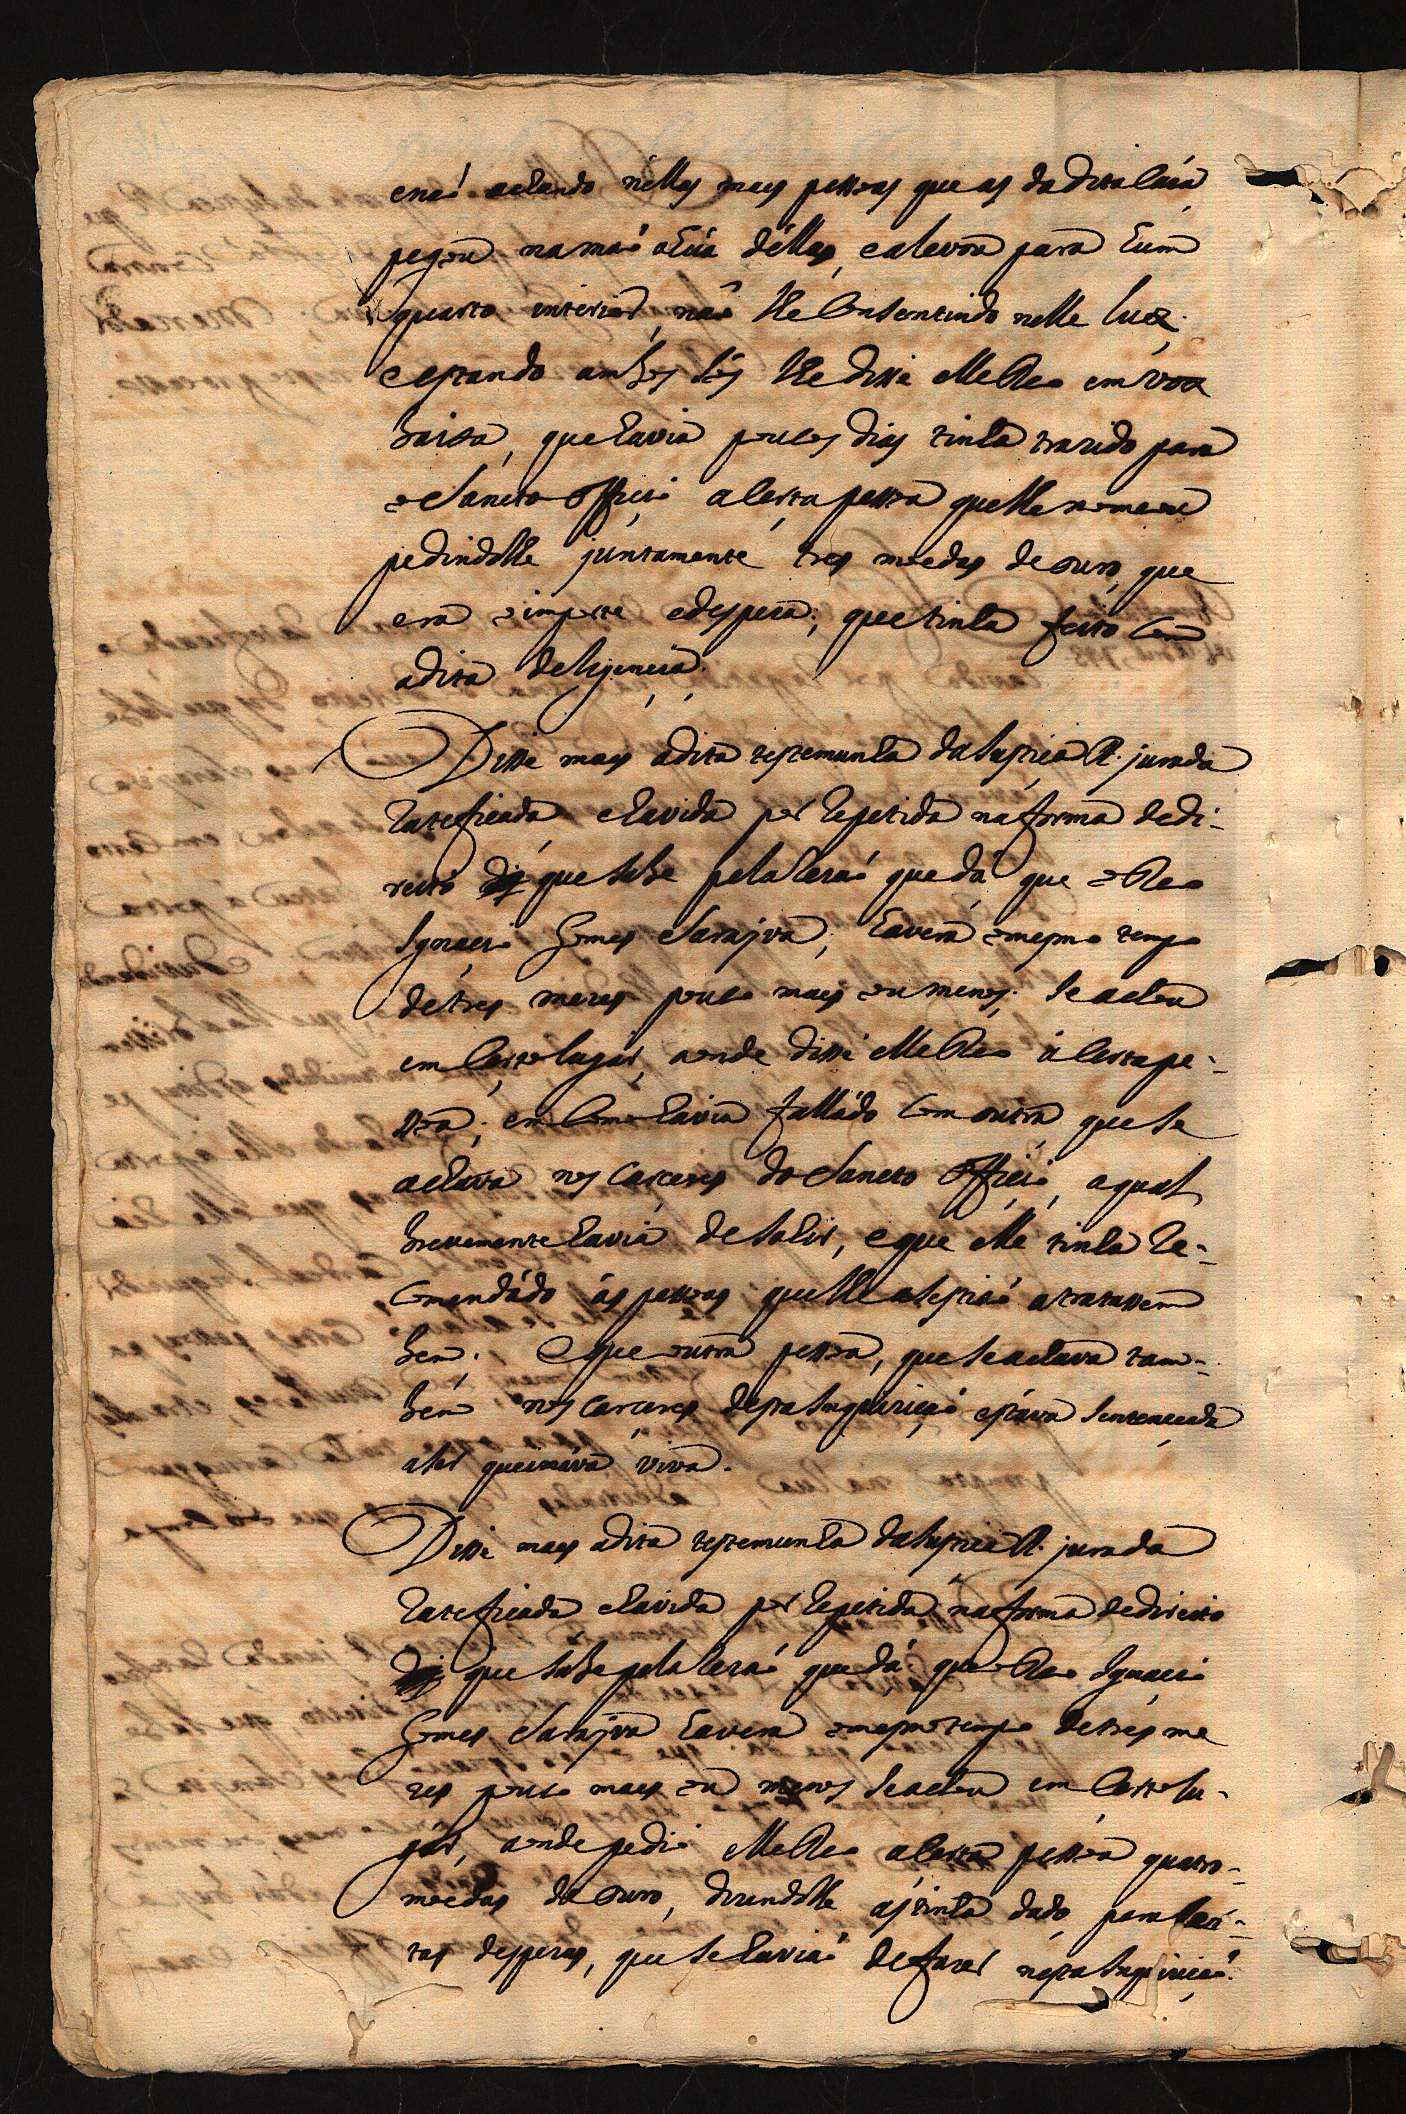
e naõ achando nellas maes pessoas que as da dita Caza
pegou na maõ a hūa dellas, e a levou para hum
quarto interior naõ lhe Consentindo nelle lux;
e estando ambos sós lhe disse elle Reo em vox
baixa, que havia poucos dias tinha trazido para
o Sancto officio a certa pessoa que lhe nomeou
pedindolhe juntamente tres moedas de ouro, que
era o importe e despeza; que tinha feito Com
a dita deligencia.
Disse mais a dita testemunha da Iustiça A. jurada
Rateficada, e havida por Repetida na forma de di
reito dis que sabe pela Rezaõ que dá, que o Reo
Ignacio Gomes Sarajva; haverá o mesmo tempo
de tres mezes pouco mais ou menos; se achou
em Certo lugar, aonde disse elle Reo a certa pe
ssoa; em Como havia fallado com outra, que se
achava nos carceres do Sancto Officio, a qual
brevemente havia de sahir, e que elle tinha Re
Comendado ás pessoas que lhe asestiaõ a tratassem
bem; e que outra pessoa, que se achava tam
bem nos carceres desta Inquiziçaõ estava sentenceada
a ser queimava viva.
Disse maes a dita testemunha da Iustiça A. jurada
Rateficada, e havida por Repetida na forma de direito
que sabe pela Rezaõ que dá que o Reo Ignacio
Gomes Sarajva havera o mesmo tempo de tres me
zes pouco mais ou menos se achou em Certo lu
gar, aonde pedio elle Reo a Certa pessoa quatro
moedas de ouro, dizendolhe as tinha dado, para Cer
tas despezas, que se havia de fazer nesta Inq_iziçaõ.
